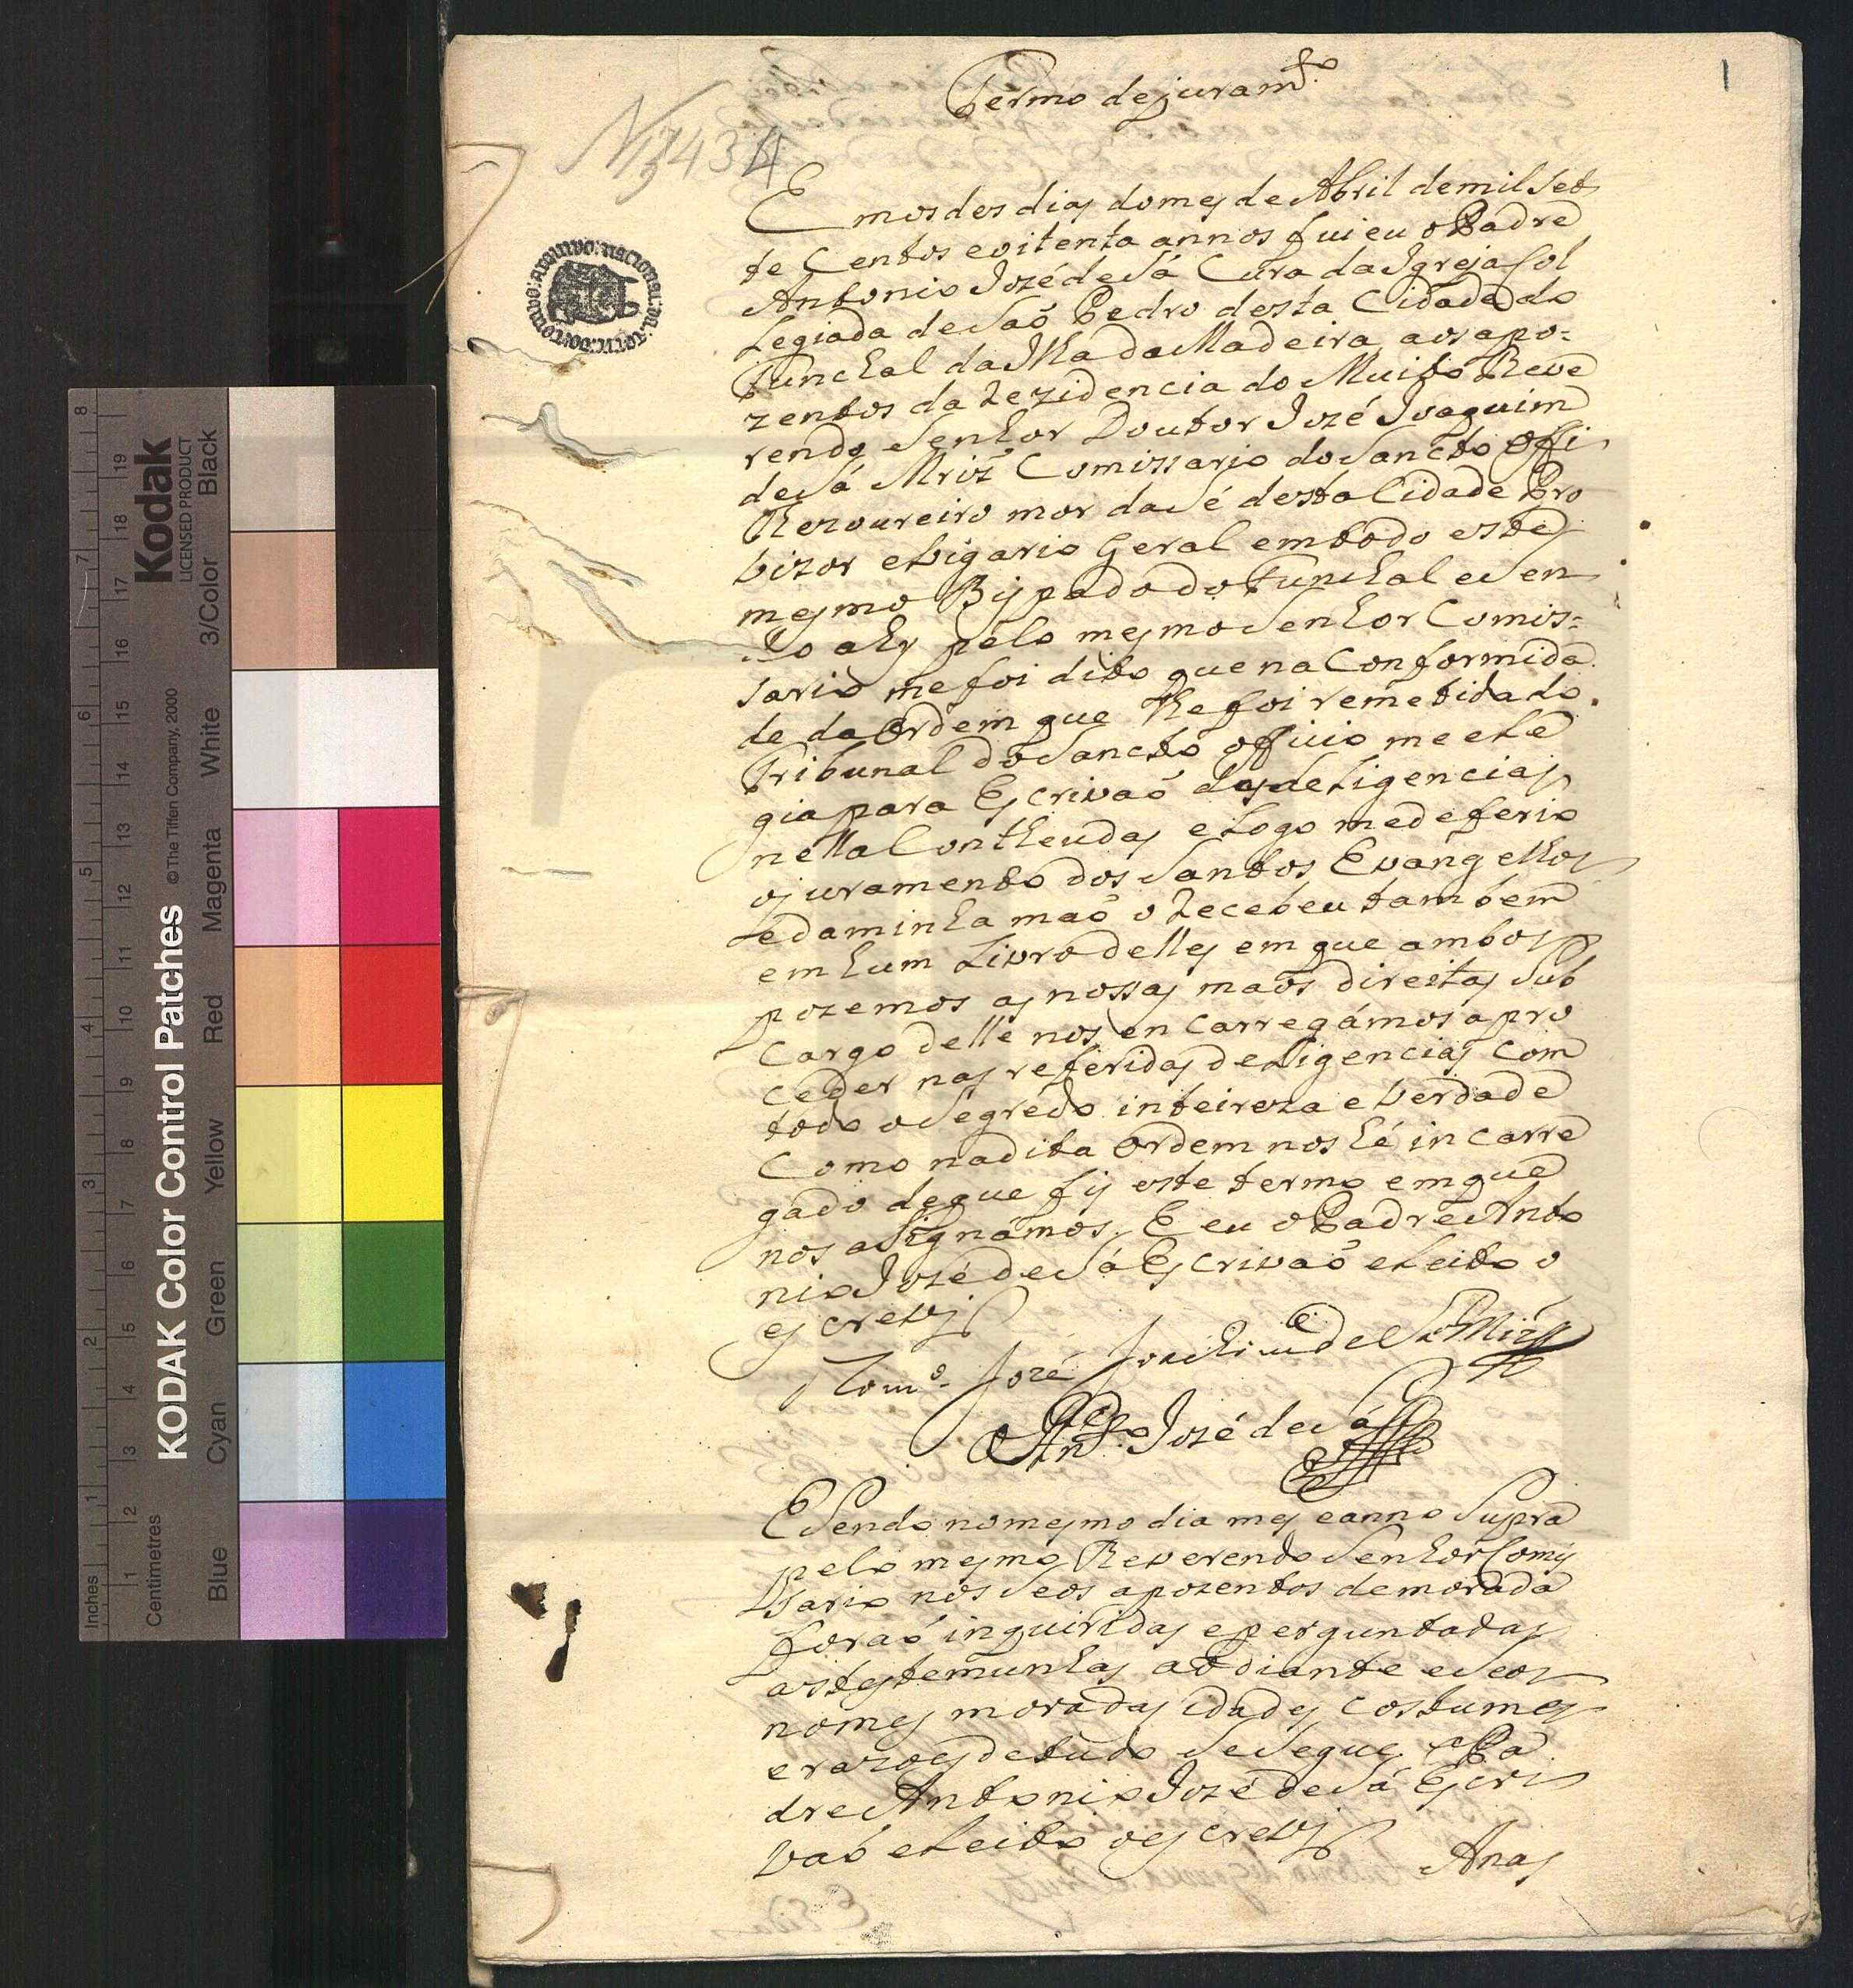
Termo de juram.to
Em os des dias do mes de Abril de mil set
teCentos e oitenta annos fui eu o Padre
Antonio Iozé de Sá Cura da Igreja Col
Legiada de Saõ Pedro desta Cidade do
Funchal da Ilha da Madeira aos apo
zentos da Rezidencia do Muito Reve
rendo Senhor Doutor Iozé Ioaquim
de Sá Mriz̄ Comissario do Sancto Offi
Thezoureiro mor da Sé desta Cidade Pro
Vizor e Vigario Geral em todo este
mesmo Bispado do Funchal e Sen
do ahy pelo mesmo Senhor Comis
sario me foi dito que na Conformida
de da Ordem que lhe foi remetida do
Tribunal do Sancto officio me eLe
gia para Escrivaõ das deLigencias
nella Contheudas e Logo me deferio
o juramento dos Santos Evangelhos
e da minha maõ o Recebeu tambem
em hum Livro delles em que ambos
pozemos as nossas maos direitas sub
Cargo delle nos encarregámos a pro
çeder nas referidas deLigencias com
todo o Segredo inteireza e Verdade
Como na dita Ordem nos hé incarre
gado de que fis este termo em que
nos aSignámos. E eu o Padre Anto
nio Iozé de Sá Escrivaõ eLeito o
escrevj
o Com.o Jozé Joachim de Sá Miz̄
O PAnt.o Iozé de Sá
E Sendo no mesmo dia mes e anno Supra
pelo mesmo Reverendo Senhor Comis
sario nos Seos apozentos de morada
foraõ inquiridas e perguntadas
as testemunhas ao diante e Seos
nomes moradas idades costumes
e razoes de tudo Se Segue o Pa
dre Antonio Iozé de Sá Escri
Vaõ eLeito o escrevj
Anas
